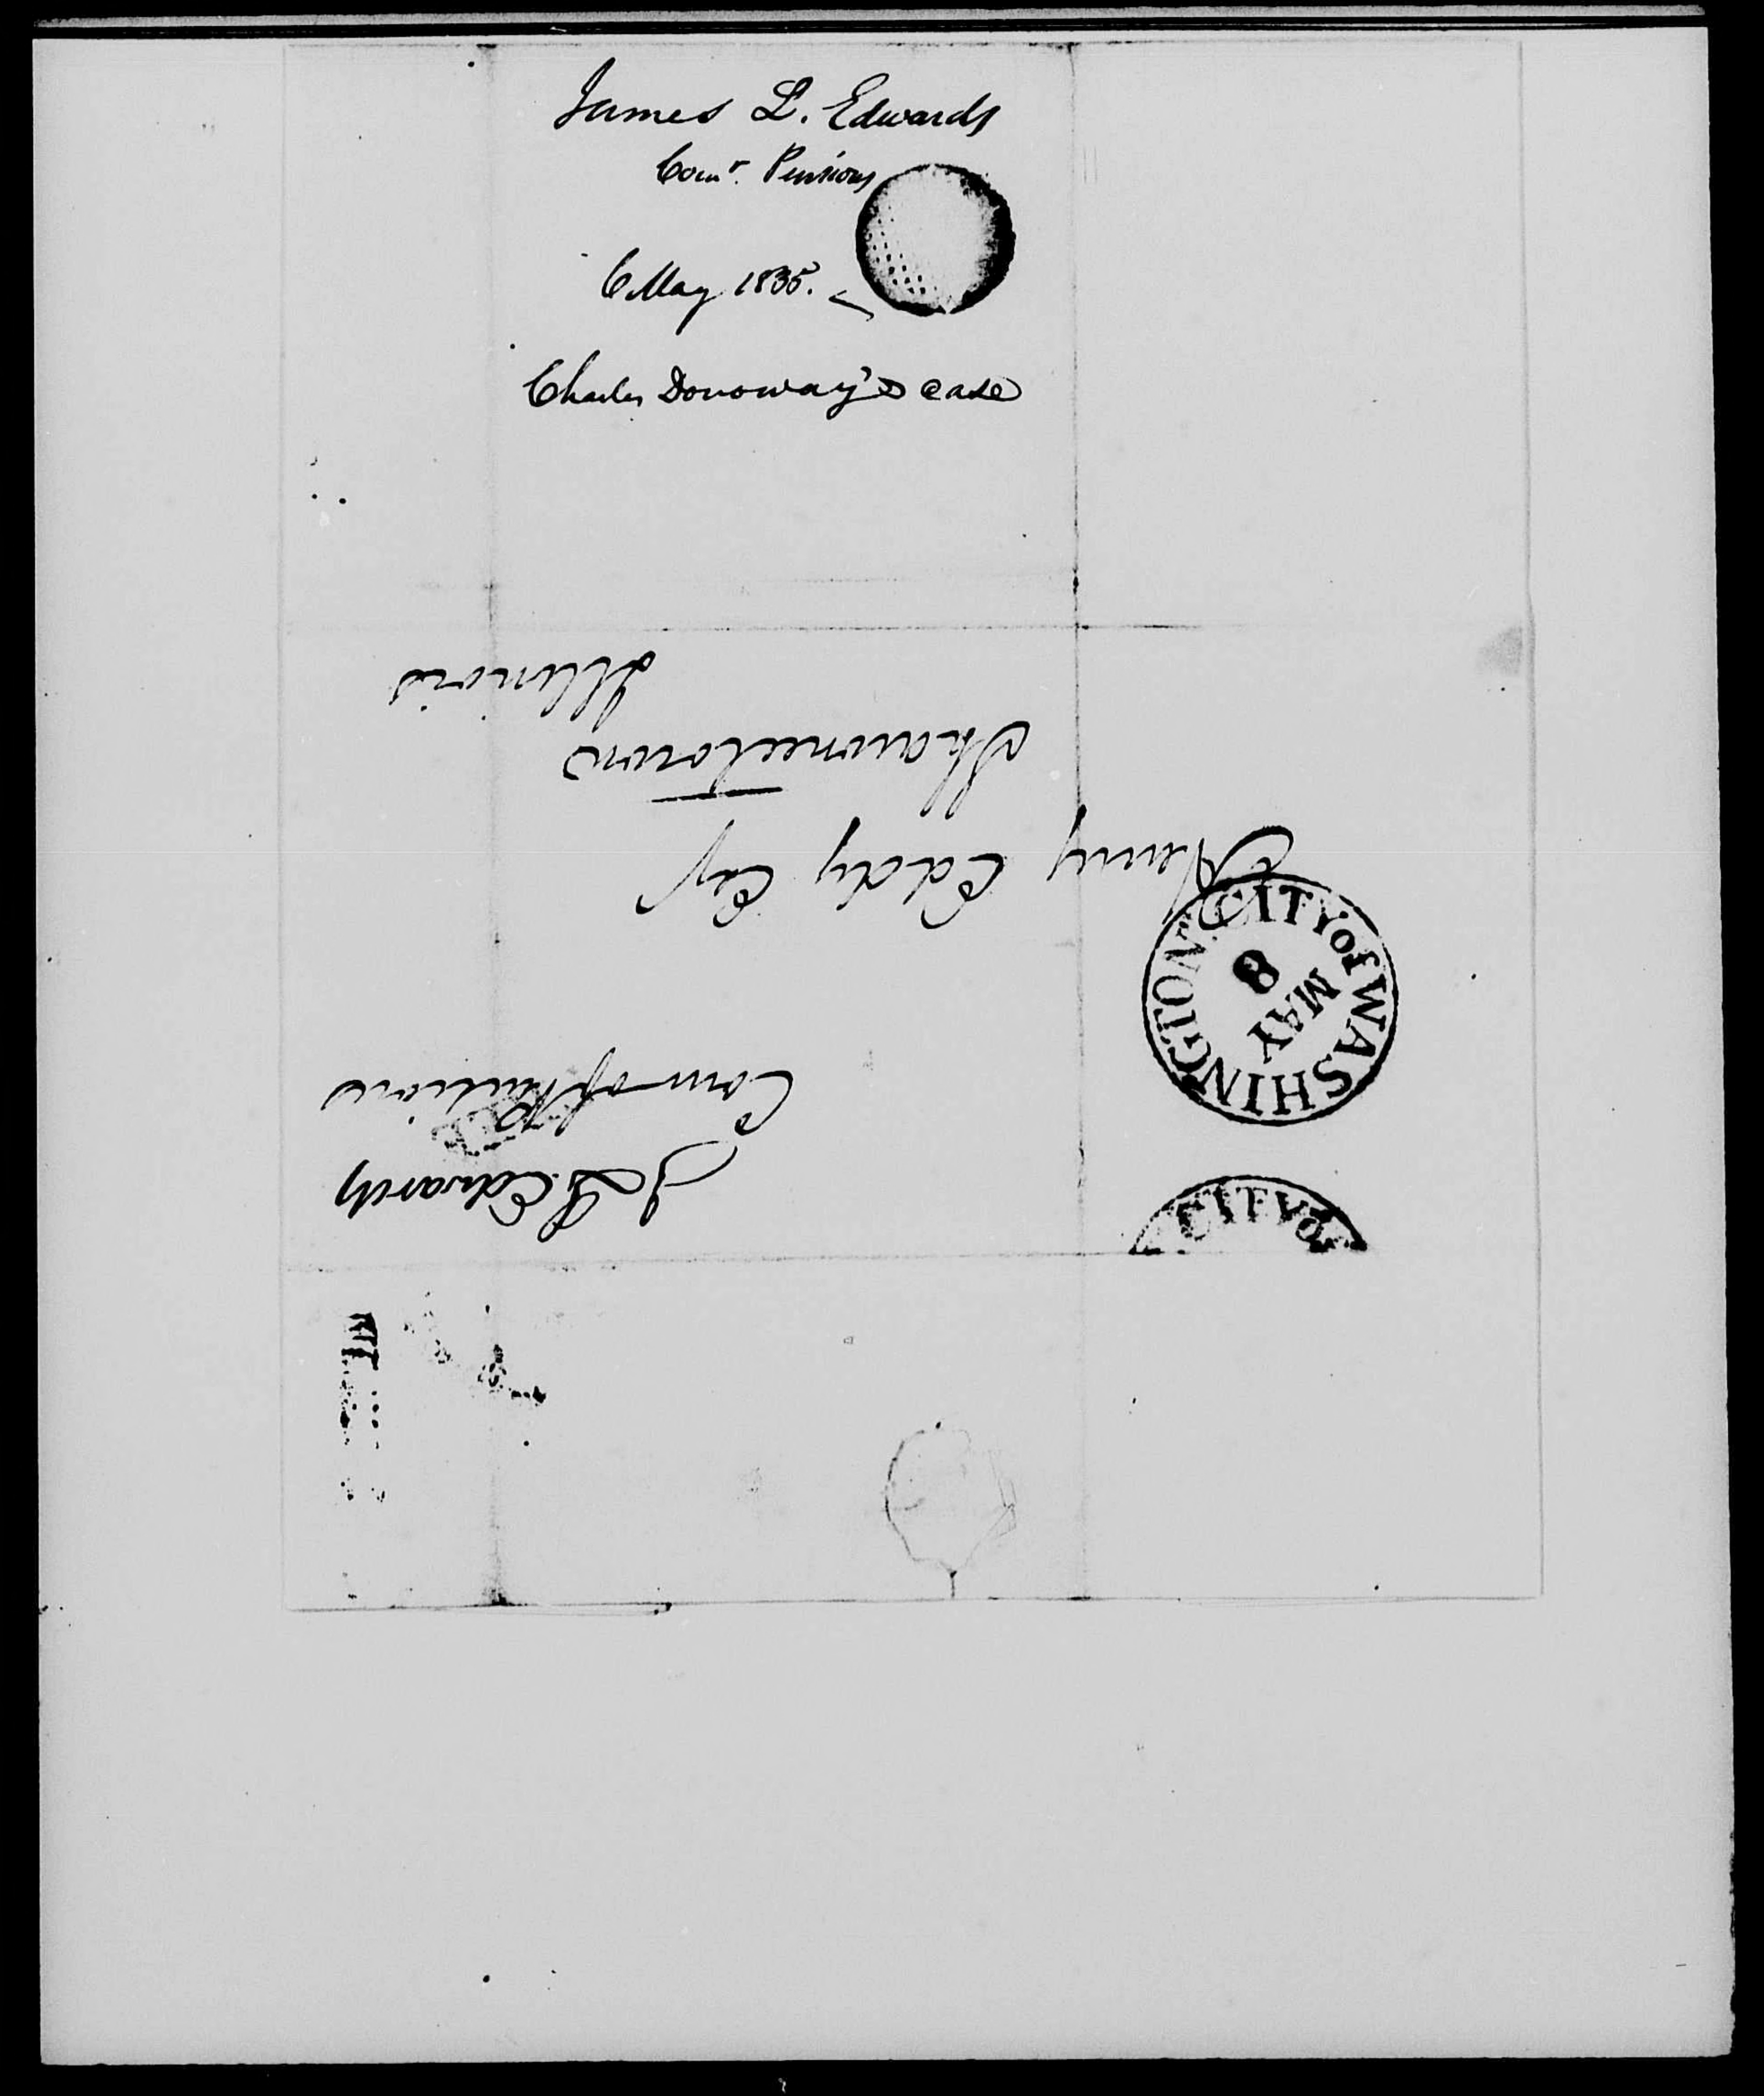James L. Edwards
Comr. Pensions
6 May 1835.
Charles Donoway's case

J L. Edwards
Com of Pensions
Henry Eddy Esq.
[illegible]
Illinois
CITY of WASHINGTON MAY 8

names: J L Edwards, Henry Eddy, Charles Donoway, James L Edwards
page: 18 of 29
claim: rejected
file: R. 3010, Charles Donaway, Va.